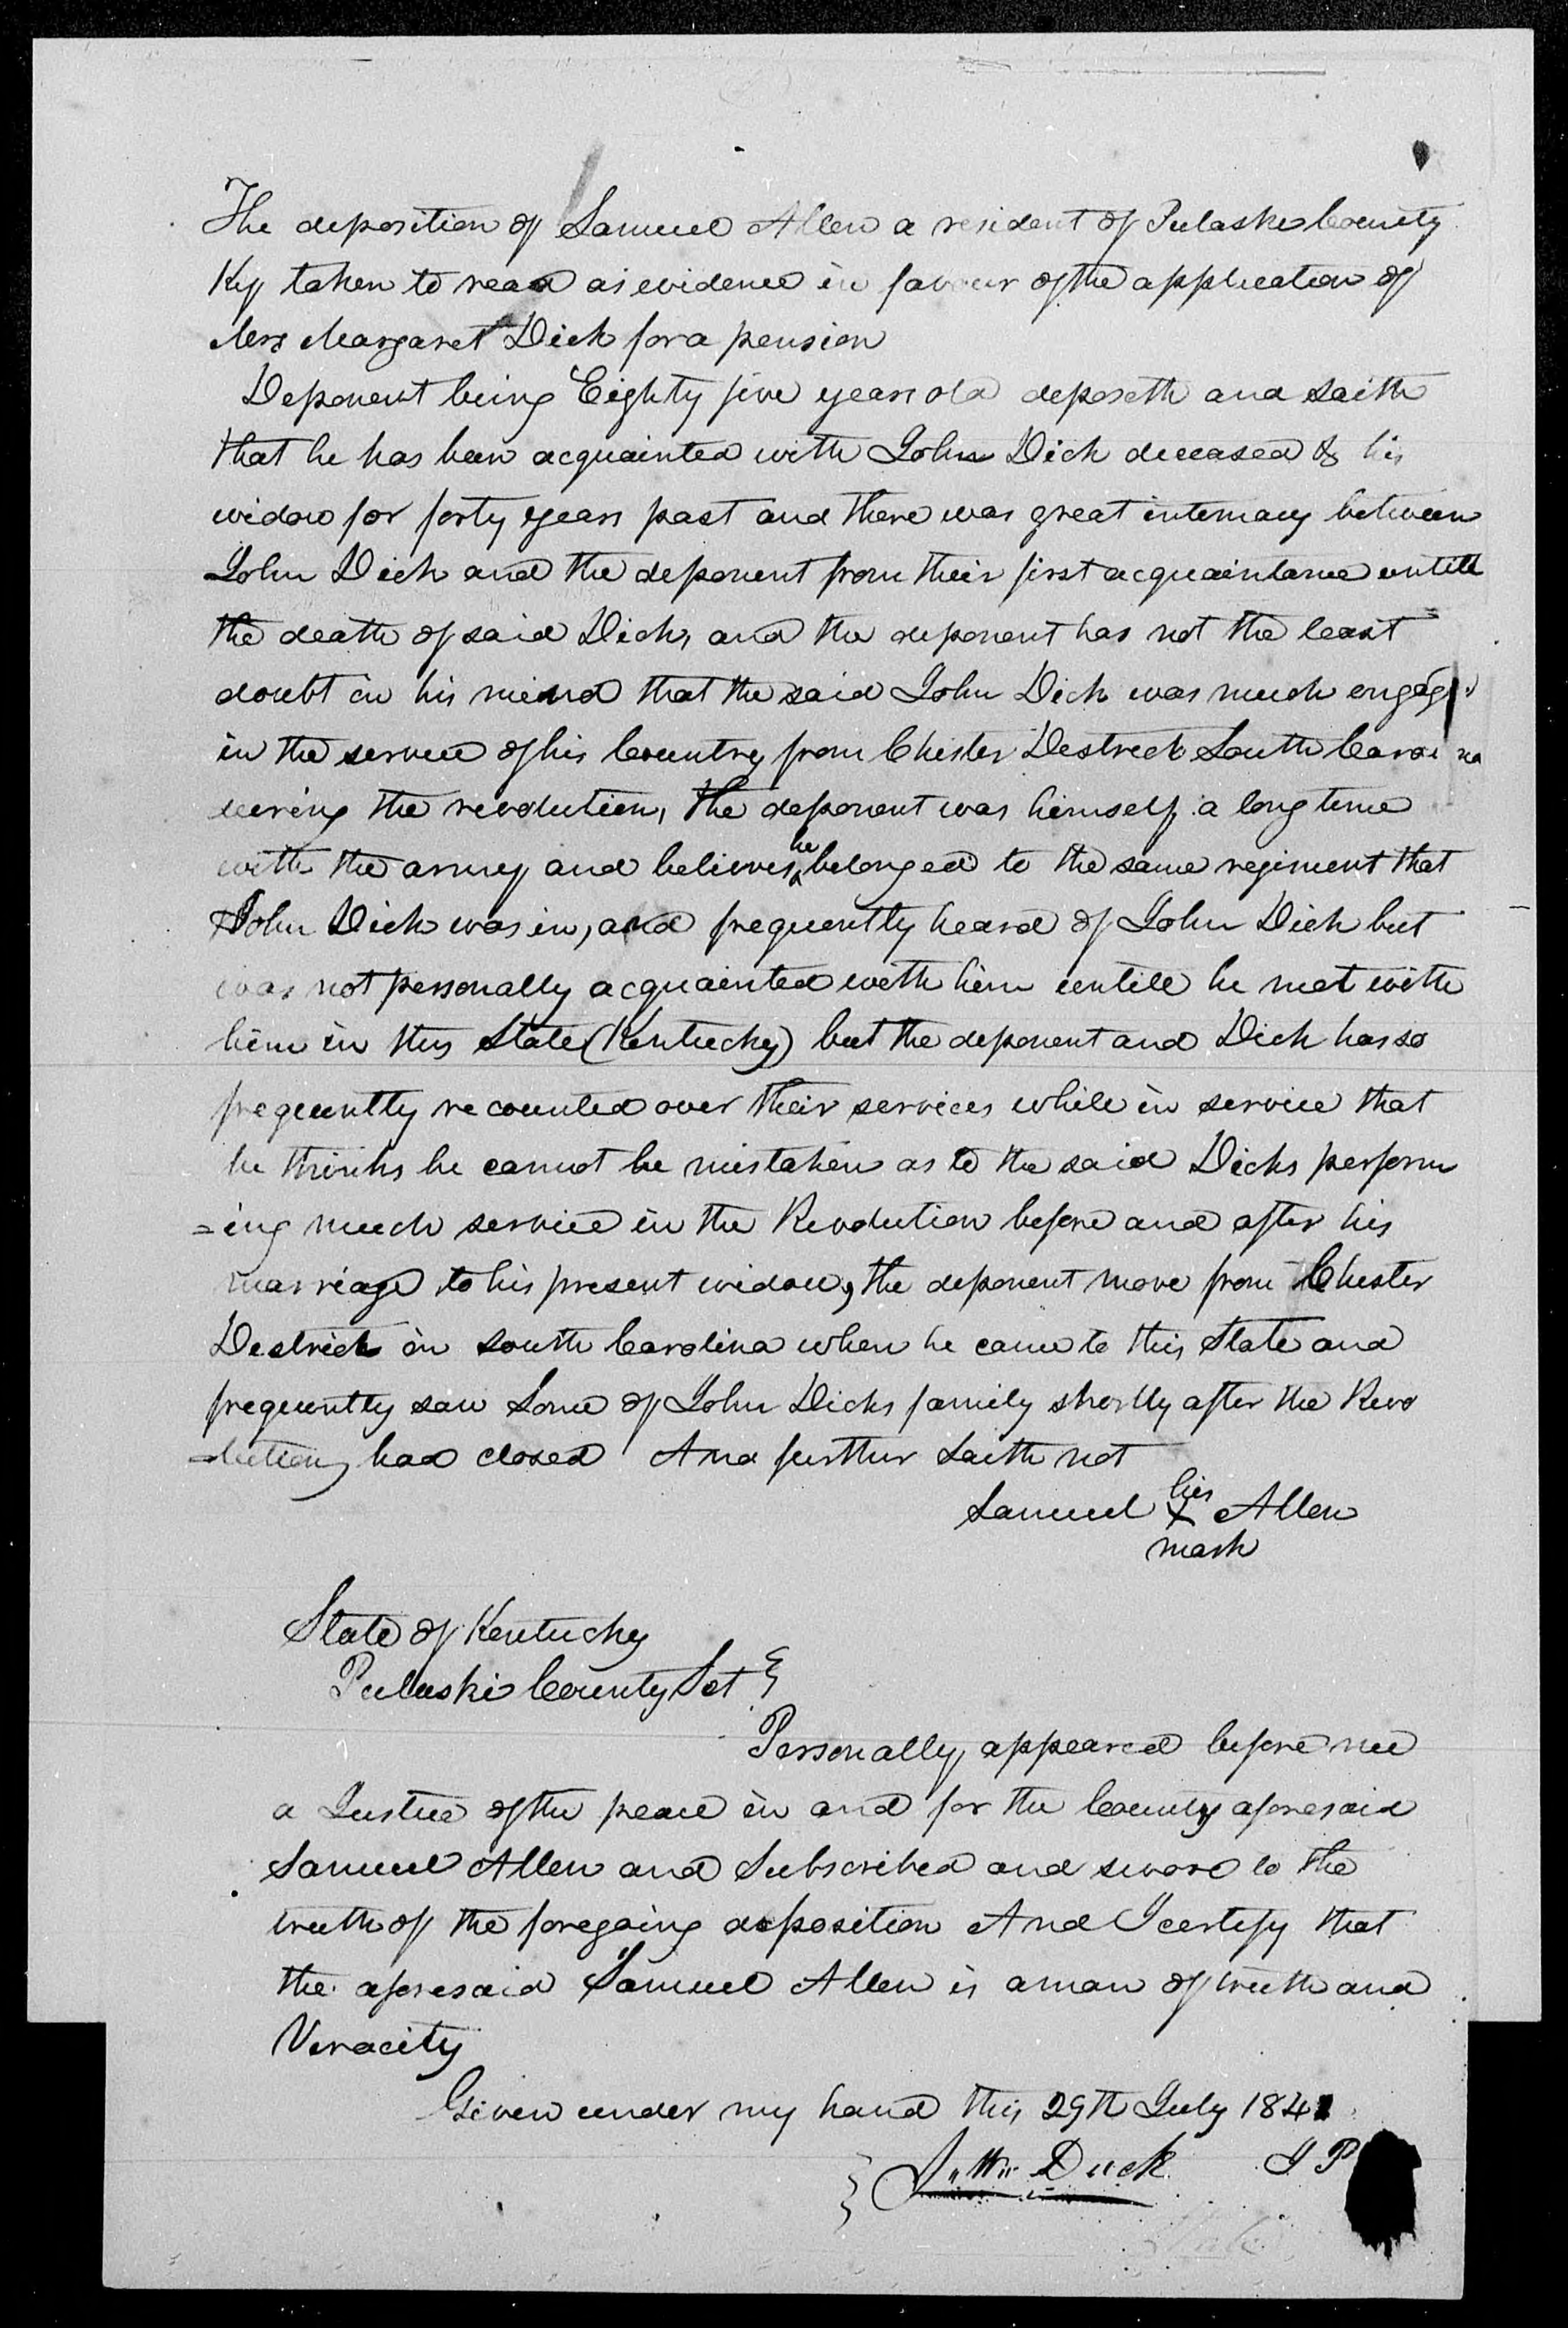The deposition of Samuel Allen a resident of Pulaski County Ky taken to read as evidence in favour of the application of Mrs Margaret Dick for a pension.
 Deponent being Eighty five years old deposeth and saith that he has been acquainted with John Dick deceased & his widow for forty years past and there was great intemacy between John Dick and the deponent from their first acquaintance until the death of said Dick, and the deponent has not the least doubt in his mind that the said John Dick was much engaged in the service of his Country from Chester District South Carolina during the revolution, the deponent was himself a long time with the army and believes he belonged to the same regiment that John Dick was in, and frequently heard of John Dick but was not personally acquainted with him untill he met with him in this State (Kentucky) but the deponent and Dick has so frequently recounted over their services while in service that he thinks he cannot be mistaken as to the said Dicks performing much service in the Revolution before and after his marriage to his present widow, the deponent move from Chester District in South Carolina when he came to this State and frequently saw some of John Dicks family shortly after the Revolution had closed and further saith not. Samuel his mark Allen State of Kentucky Pulaski County Set ⎬ Personally appeared before me a Justice of the peace in and for the County aforesaid Samuel Allen and Subscribed and sworn to the truth of the foregoing deposition And I certify that the aforesaid Samuel Allen is a man of truth and Veracity 1 Given under my hand this 29th July 1841 J.W. Duck J P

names: Dick, John Dick, John Dick, Dicks, John Dick, Samuel Allen, John Dick, John Dicks, Dick, Samuel Allen, John Dick, J W Dieck, Samuel Allen, Samuel Allen, Margaret Dick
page: 31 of 31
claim: widow's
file: W. 8668, John Dick, S C